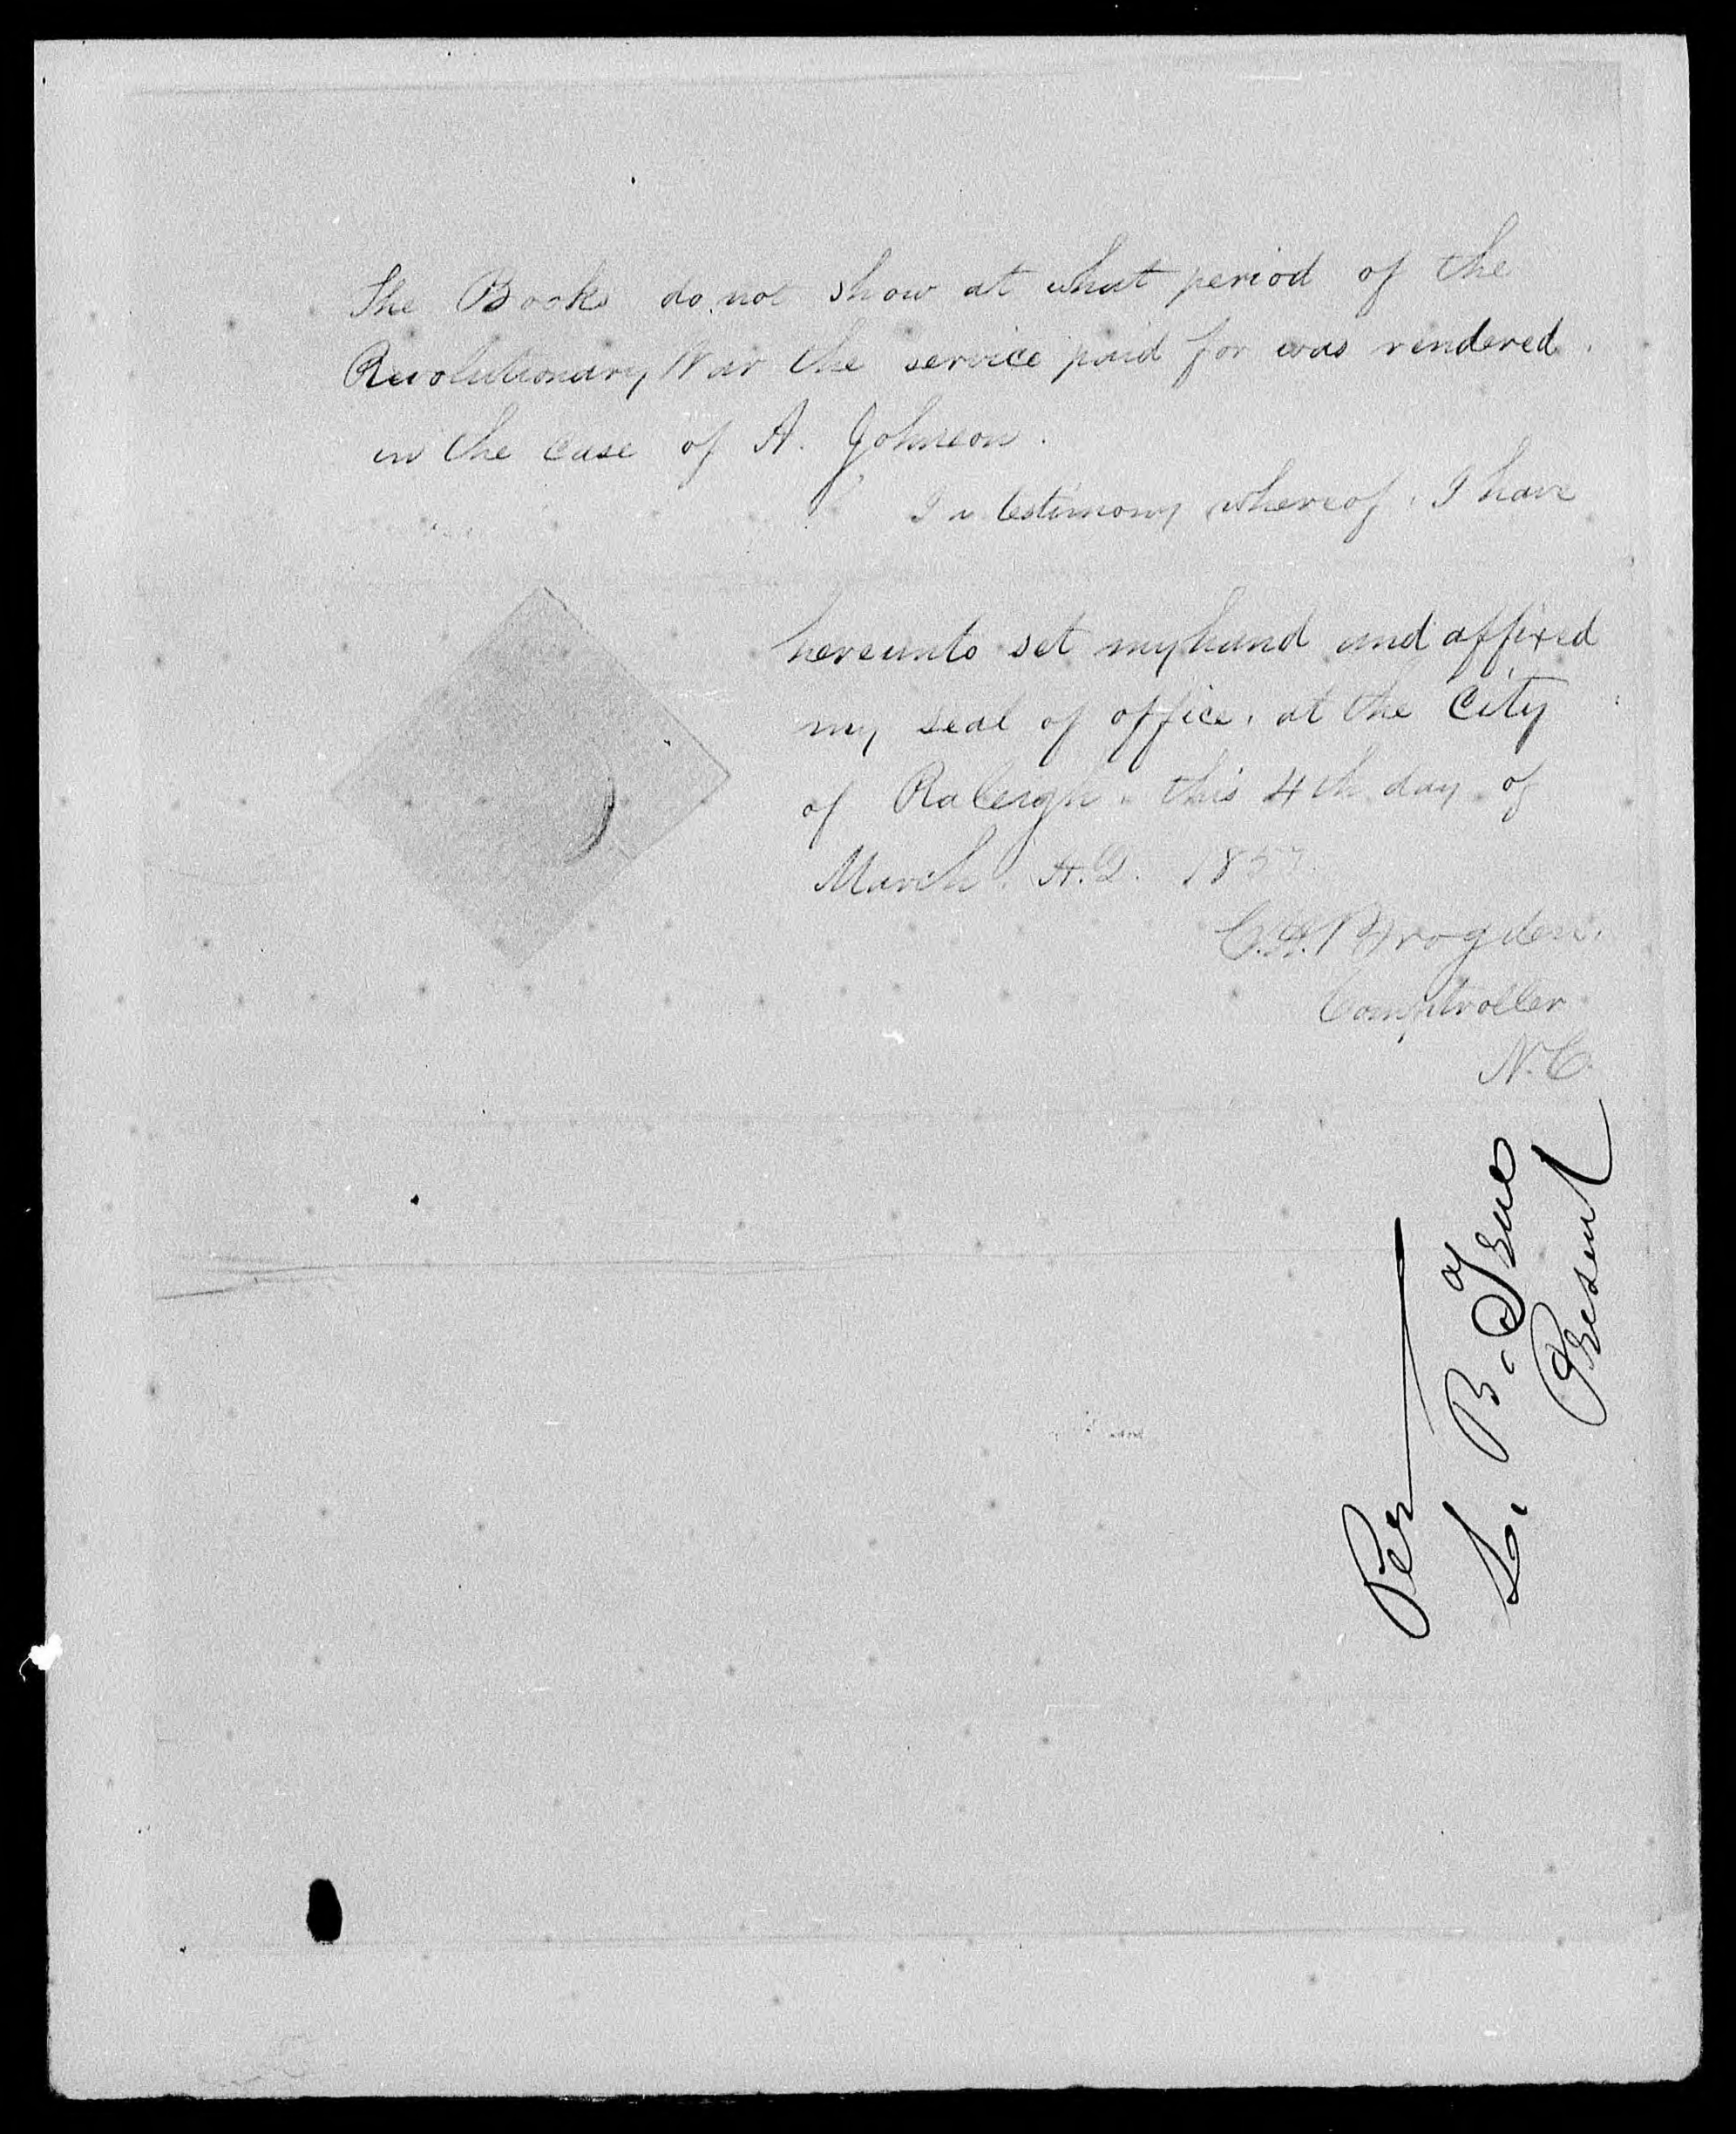The Book do not show at what period of the Revolutionary War, the service paid for was rendered in the case of A. Johnson. 
In testimony whereof, I have hereunto set my hand and affixed my seal of office at the city of Raleigh this 4th day of March A.D. 1857
C. H. Brogden, Comptroller, N.C.

Per I. B. True, Present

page: 34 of 74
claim: rejected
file: R. 5600, for Abel Johnson, North Carolina